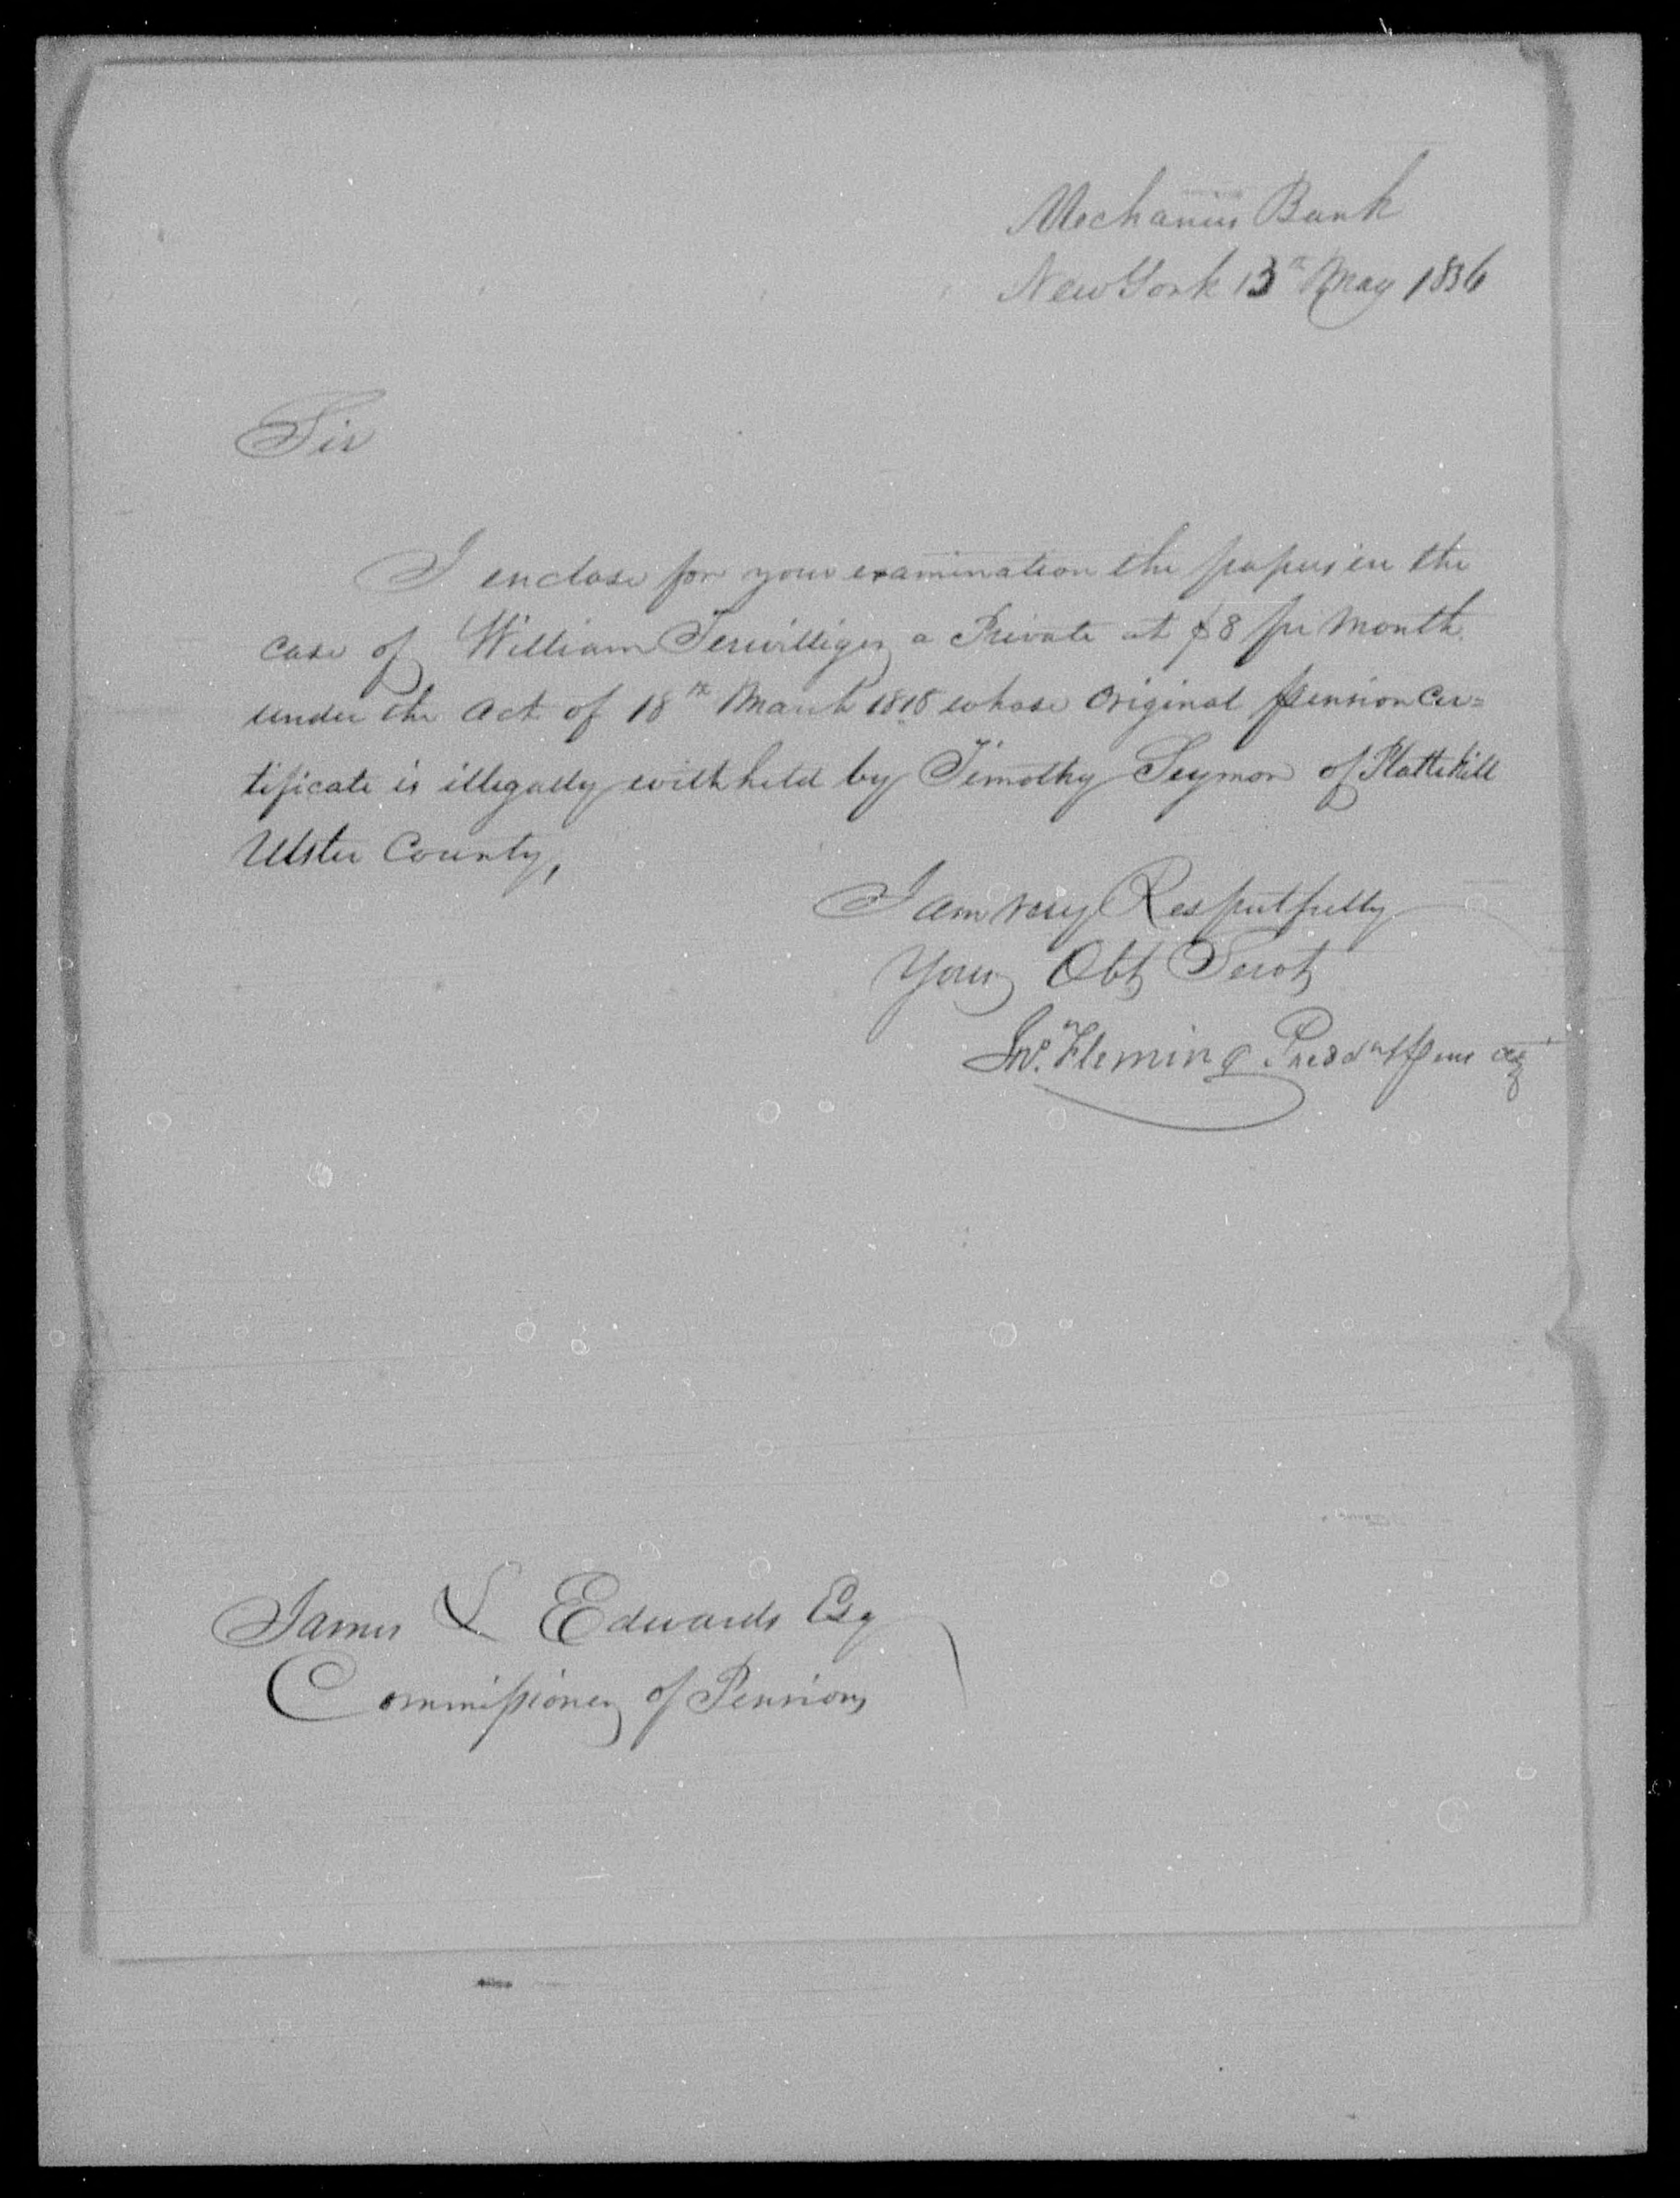Mechanie Bank
New York 13th May 1836

Sir
I enclose for your examination the papers in the
case of
William Terwilliger a Private at $8 per month
under the act of 18th March 1818 whose original pensioner
certificate is illegally with held by Timothy Seymon of Plattekill
Ulster County,
I am very Respectfully
Your
Obt Sert
Jno Fleming Prisons of
James L Edwards Esq
Commissioner of Pensions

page: 37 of 64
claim: survivor's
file: S. 42,464, for William Terwilliger, New York